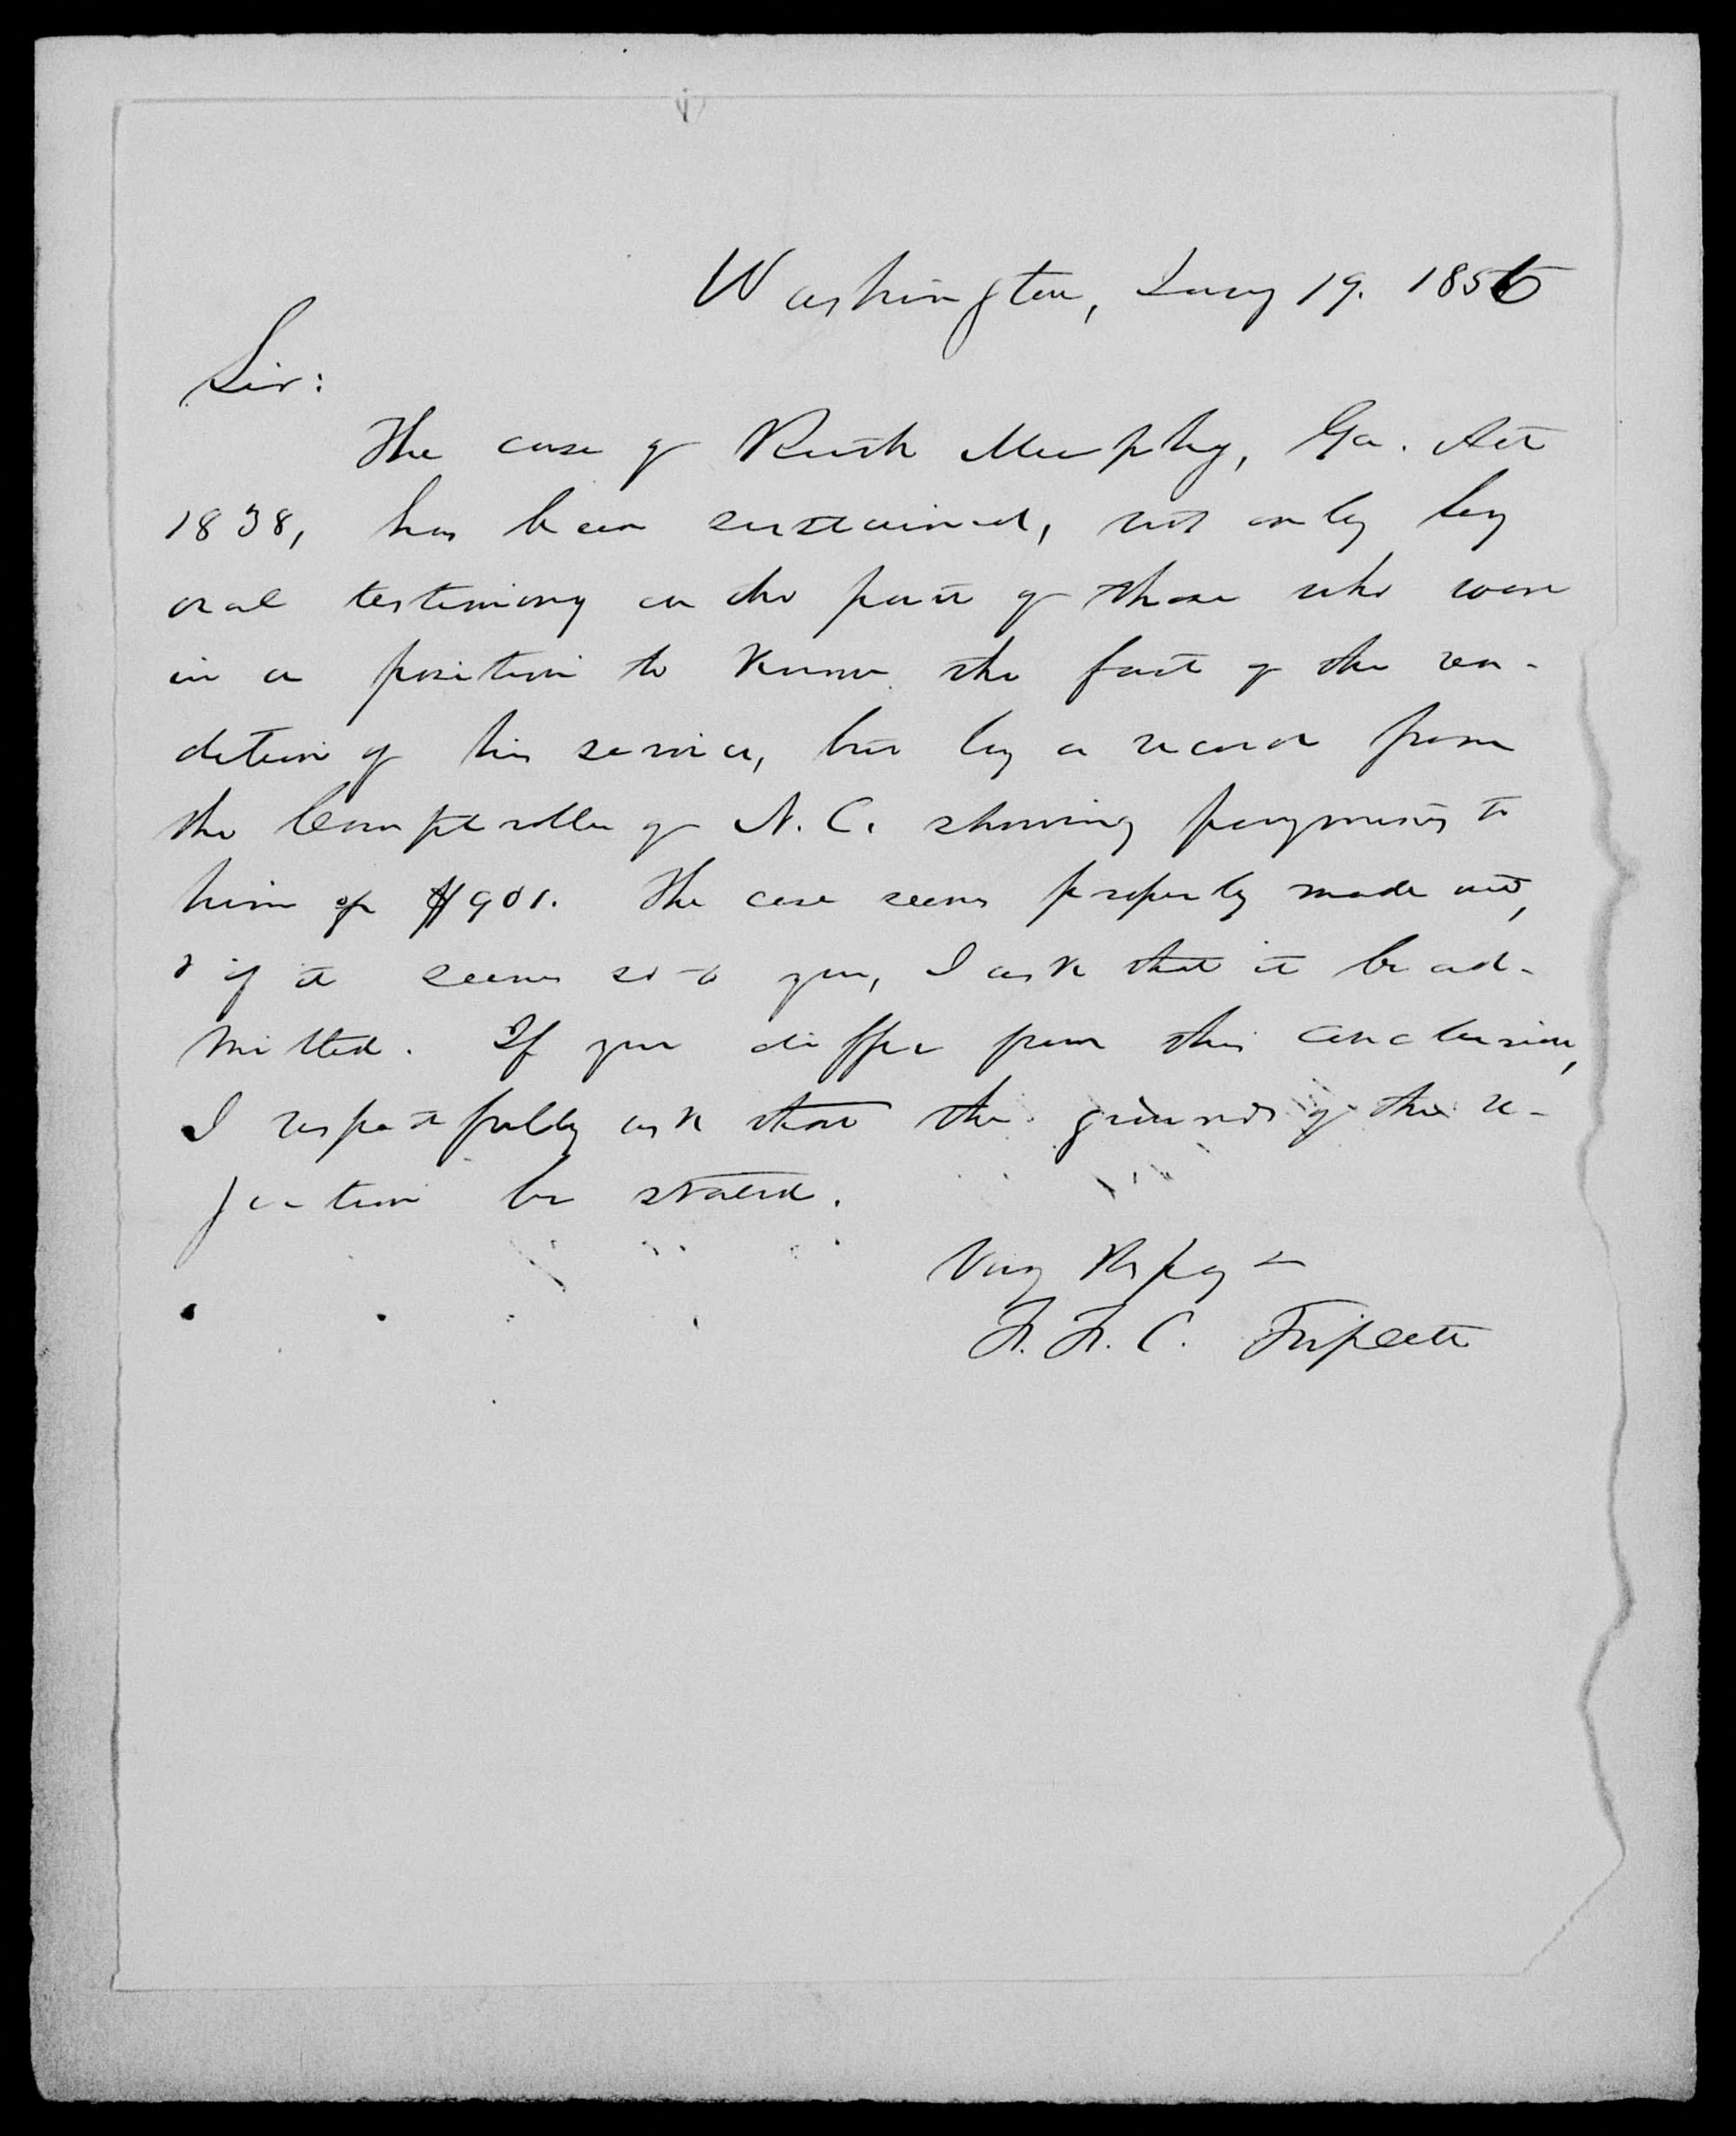Washington, July 19, 1856
Sir:
The case of Ruth Murphy, GA. Act 1838, has been  entertained, was only by oral testimony in the party of those who even in a position to know the facts of the underation of his service, his by a name from the () of N.C. showing fragments to him of $901. The case seems properly made new and if it seems as if you, I argute that it be (). If you differ from this conclusion, I respectfully that the ground of the injunction be stated.
Respectfully. JJC Triplett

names: Ruth Murphy, F F C Triplett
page: 40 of 108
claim: rejected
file: R. 7,515, John Hudgins, N.C.